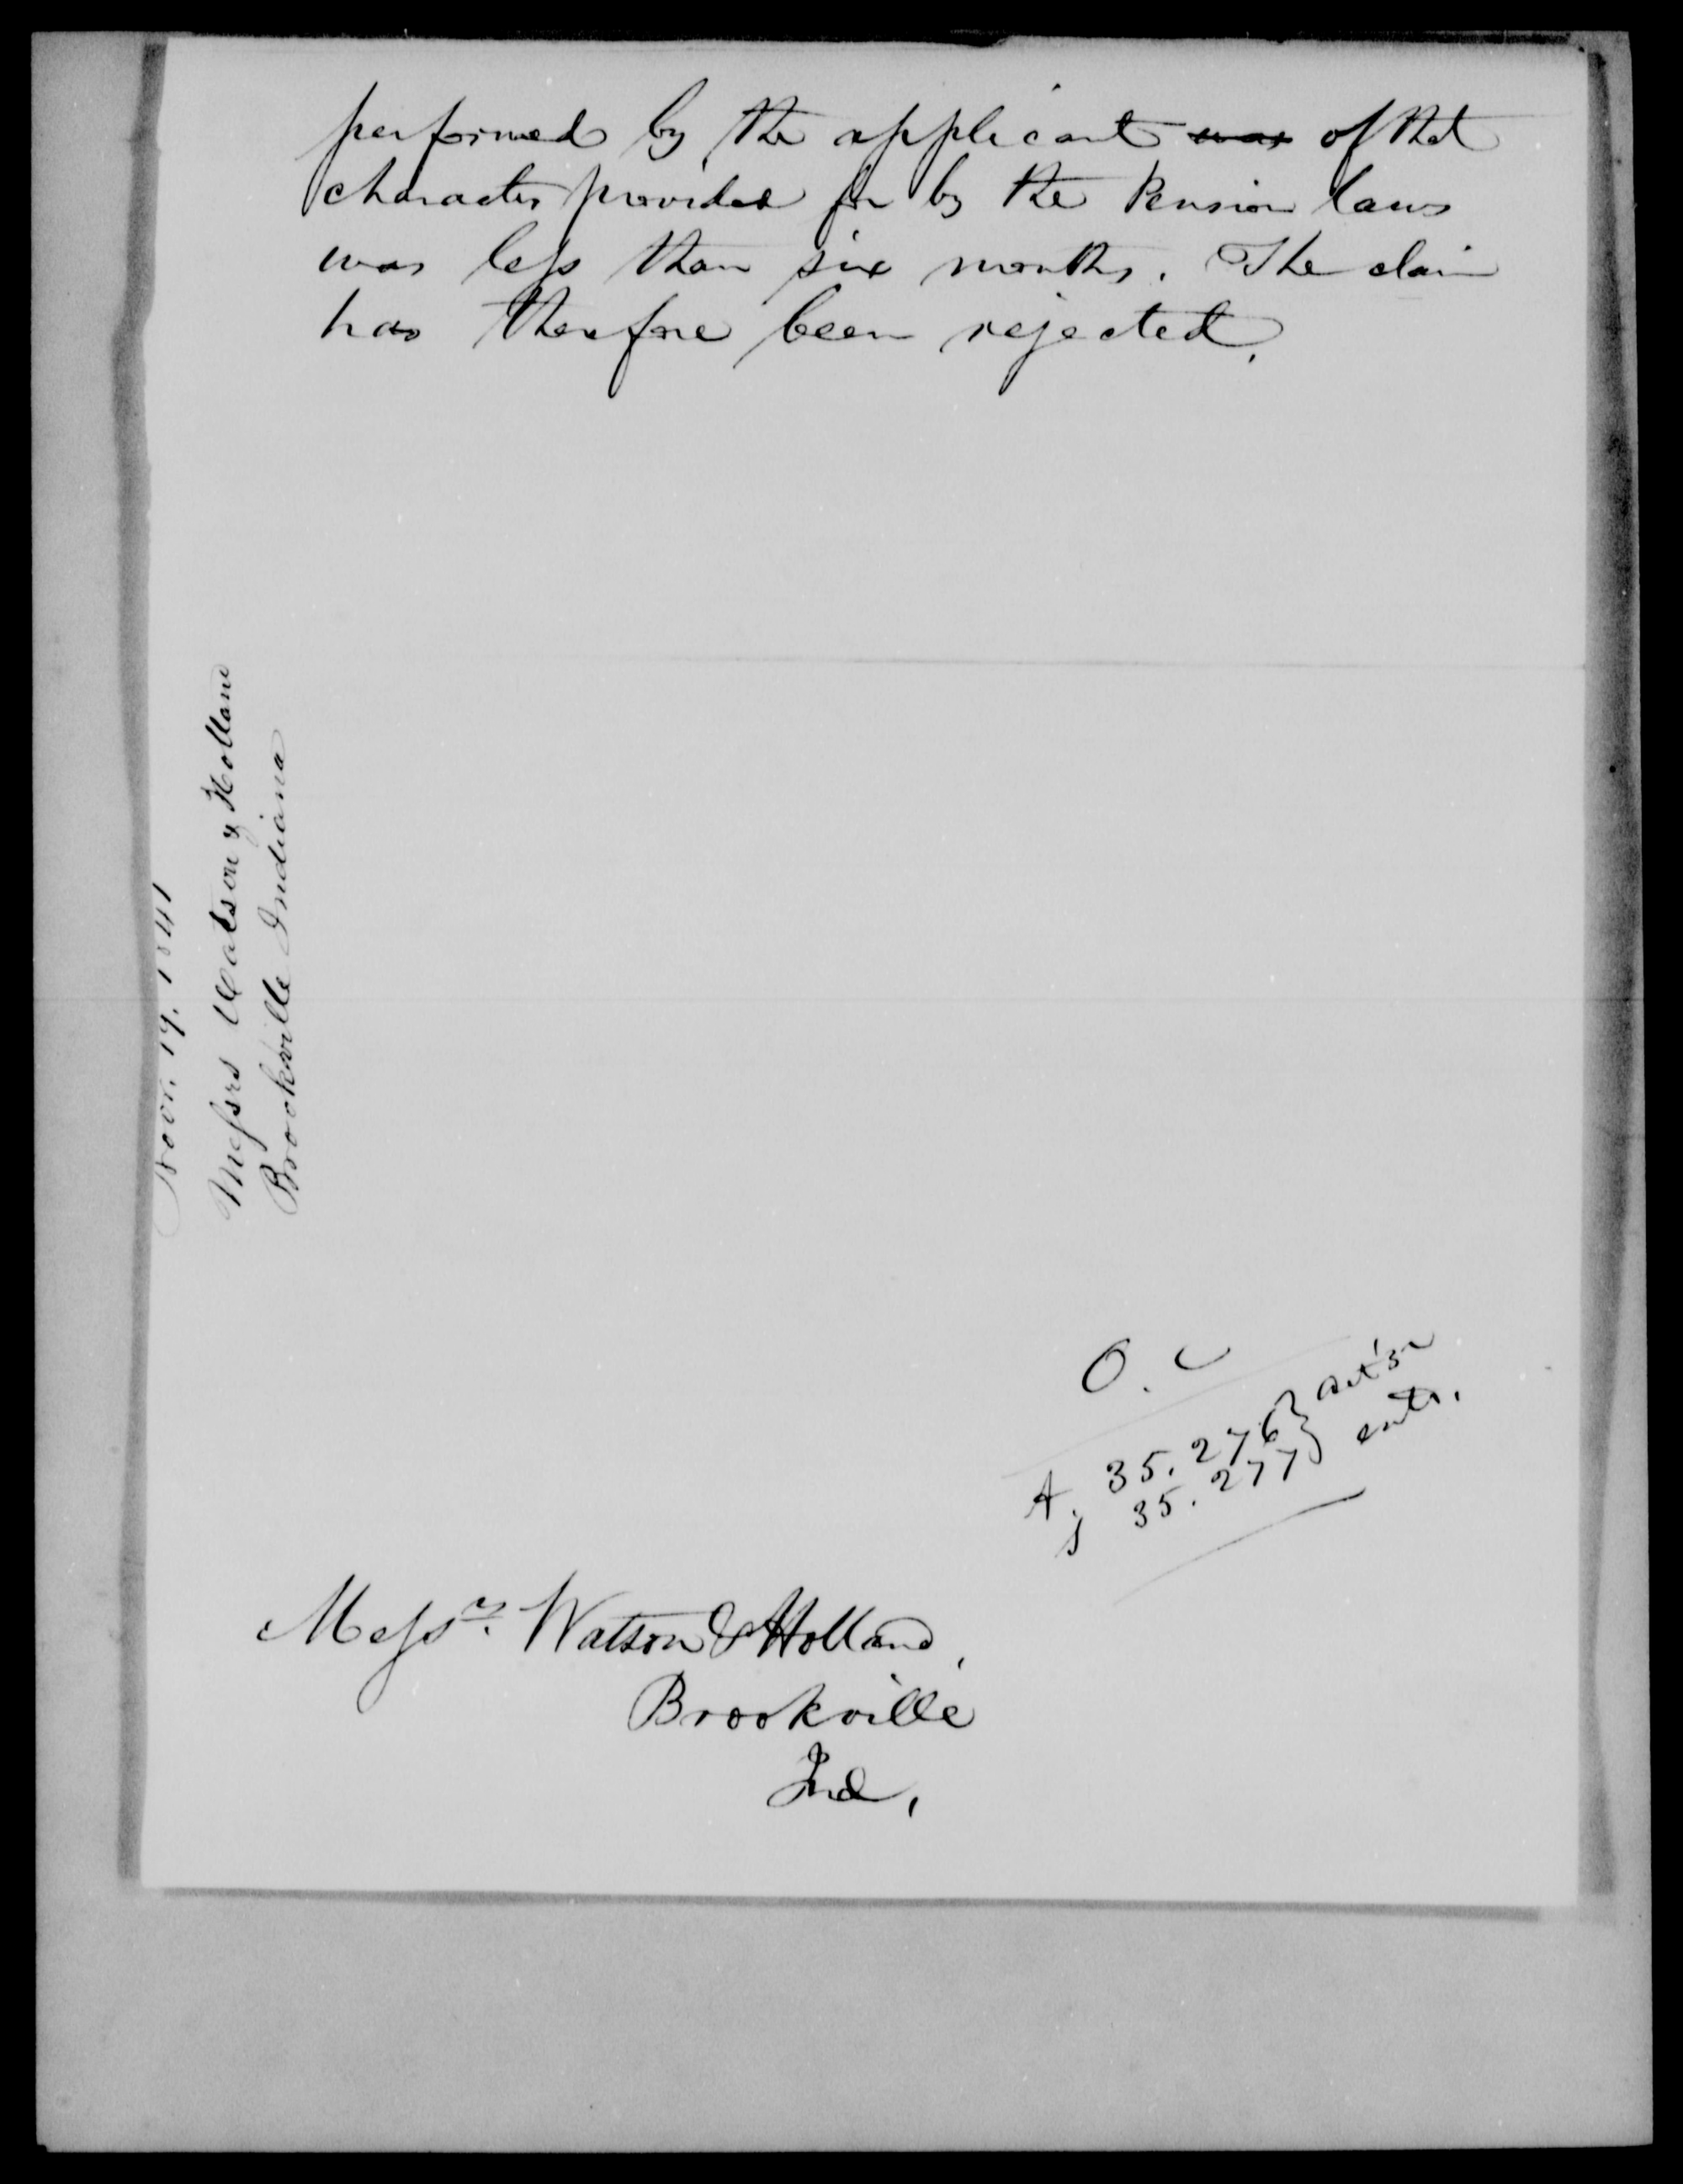performed by the applicant was of that
character provided for by the Pension laws
was less than six months. The claim has therefore been rejected.

[the following written sideways on the left side of the page]
Novr. 19 1841
Messers Watson & Holland
Brookville Indiana

[the following written diagonally above the signatures]
O.C
A. 35.276
S 35.277 [pointed bracket joins the two lines starting A and S and connects to the following] act '37 ents. 

[written horizontally at the bottom of the page]
Messrs. Watson & Holland,
Brookville
Ind.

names: [BLANK] Watson; [BLANK] Holland; [BLANK] Holland; [BLANK] Watson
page: 22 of 33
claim: rejected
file: R. 9635, for Thomas Skinner, Delaware